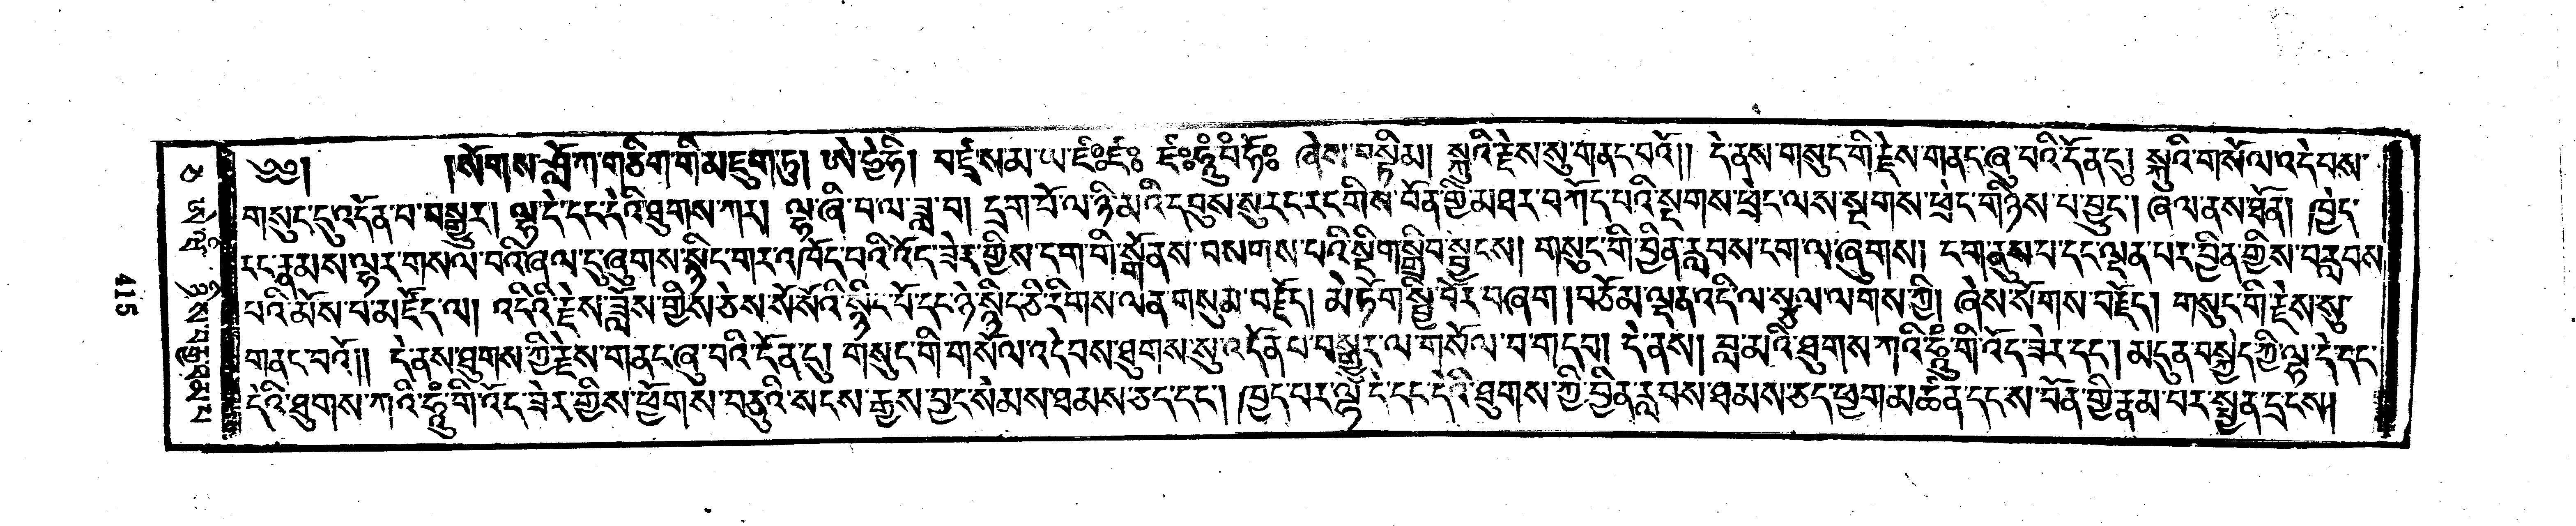༄༅། །སོགས་ཤློ་ཀ་གཅིག་གི་མཇུག་ཏུ། ཨེ་ཧྱེ་ཧི། བཛྲ་ས་མ་ཡ་ཛཿ ཛཿ ཛཿ ཧཱུཾ་བཾ་ཧོཿ ཞེས་བསྟིམ། སྐུའི་རྗེས་སུ་གནང་བའོ། །དེ་ནས་གསུང་གི་རྗེས་གནང་ཞུ་བའི་དོན་དུ། སྐུའི་གསོལ་འདེབས་
གསུང་དུ་འདོན་པ་བསྒྱུར། ལྷ་དེ་དང་དེའི་ཐུགས་ཀར། ལ་ཞི་བ་ལ་ཟླ་བ། དྲག་པོ་ལ་ཉི་མའི་དབུས་སུ་རང་རང་གི་ས་བོན་གྱི་མཐར་བཀོད་པའི་སྔགས་ཕྲེང་ལས་སྔགས་ཕྲེང་གཉིས་པ་བྱུང་། ཞལ་ནས་ཐོན། ཁྱེད་
རང་རྣམས་ལྷར་གསལ་བའི་ཞལ་དུ་ཞུགས་སྙིང་གར་འཁོད་པའི་འོད་ཟེར་གྱིས་ངག་གི་སྒོ་ནས་བསགས་པའི་སྡིག་སྒྲིབ་སྦྱངས། གསུང་གི་བྱིན་རླབས་ངག་ལ་ཞུགས། ངག་ནུས་པ་དང་ལྡན་པར་བྱིན་གྱིས་བརླབས་
པའི་མོས་པ་མཛོད་ལ། འདིའི་རྗེས་ཟློས་གྱིས་ཅེས་སོ་སོའི་སྙིང་པོ་དང་ཉེ་སྙིང་ཅི་རིགས་ལན་གསུམ་བརྗོད། མེ་ཏོག་སྤྱི་བོར་བཞག །བཅོམ་ལྡན་འདི་ལ་སྩལ་ལགས་ཀྱི། ཞེས་སོགས་བརྗོད། གསུང་གི་རྗེས་སུ་
གནང་བའོ།། དེ་ནས་ཐུགས་ཀྱི་རྗེས་གནང་ཞུ་བའི་དོན་དུ། གསུང་གི་གསོལ་འདེབས་ཐུགས་སུ་འདོན་པ་བསྒྱུར་ལ་གསོལ་བ་གདབ། དེ་ནས། བླ་མའི་ཐུགས་ཀའི་ཧཱུཾ་གི་འོད་ཟེར་དང་། མདུན་བསྐྱེད་ཀྱི་ལྷ་དེ་དང་
དེའི་ཐུགས་ཀའི་ཧཱུཾ་གི་འོད་ཟེར་གྱིས་ཕྱོགས་བཅུའི་སངས་རྒྱས་བྱང་སེམས་ཐམས་ཅད་དང་། ཁྱད་པར་ལྷ་དེ་དང་དེའི་ཐུགས་ཀྱི་བྱིན་རླབས་ཐམས་ཅད་ཕྱག་མཚན་དང་ས་བོན་གྱི་རྣམ་པར་སྤྱན་དྲངས།